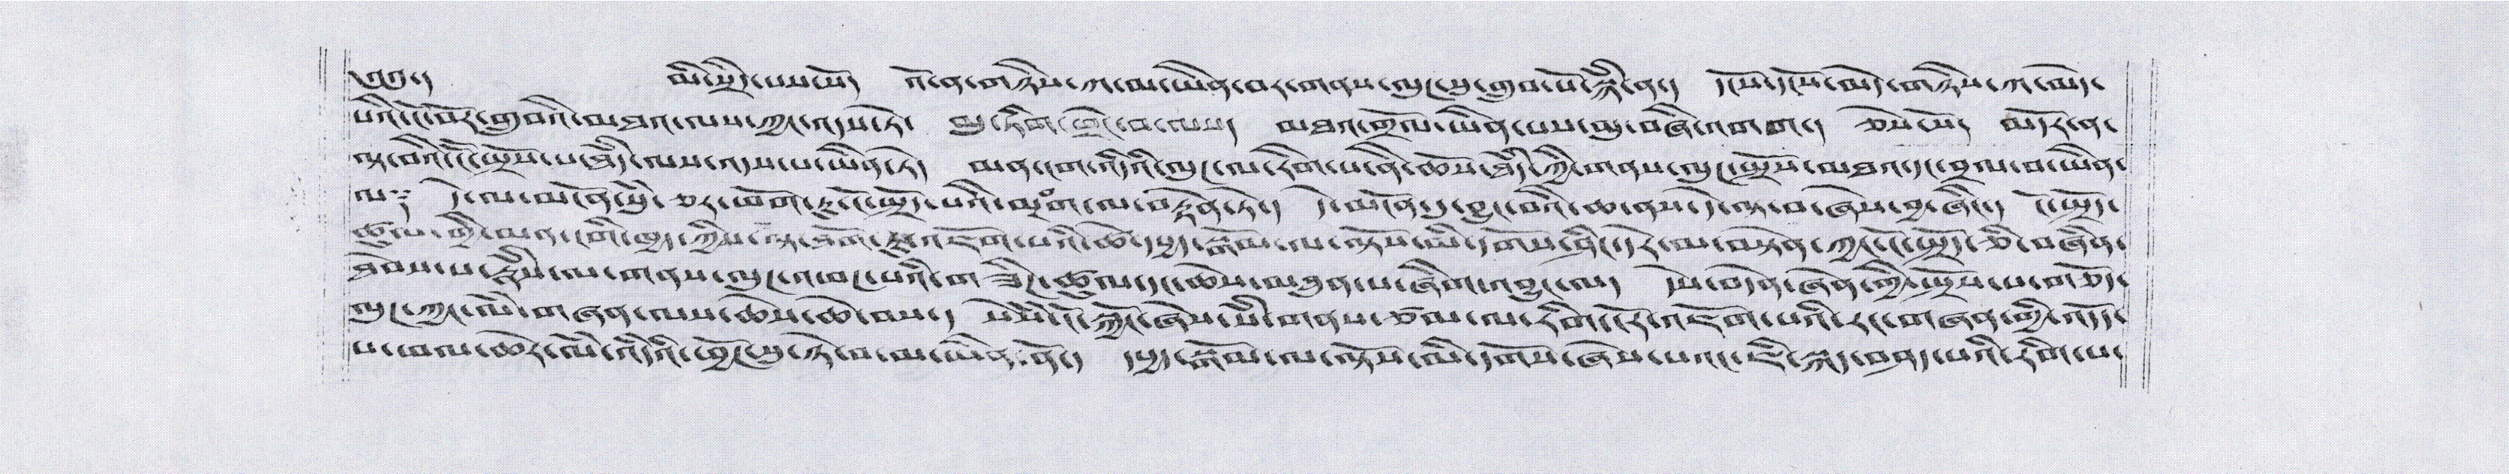དེ་འདྲ་མི་སྲིད་པས་སོ། འོ་ན་གཉིས་ཀ་མ་ཡིན་པར་གནས་ལུགས་སུ་གྲུབ་བོ་སྙམ་ན། དངོས་དངོས་མེད་གཉིས་ཀ་མེད་
པའི་ངོ་བོར་གྲུབ་པའི་མཐའ་ལས་ཀྱང་འདས་ཏེ། མུ་ཏིག་ཕྲེང་བ་ལས། མཐའ་གྲོལ་ཡིན་པས་མུ་བཞི་འགག ཅེས་སོ། མདོར་ན་
ལྟ་བའི་ངོ་བོ་སྤྲོས་པ་ཐམས་ཅད་ལས་འདས་པ་ཡིན་ཏེ། མན་ངག་འདིའི་ལུགས་ལ་རིག་པ་ནི་ཆོས་ཐམས་ཅད་ཀྱི་གནས་ལུགས་སྤྲོས་མཐའ་དང་བྲལ་བ་ཡིན་
ལ། དེ་ལ་མངོན་སུམ་ཅར་ཕོག་ཏུ་ངོ་སྤྲོད་པའི་མན་ངག་ལ་བརྟེན་ཏེ། དེ་མངོན་དུ་བྱུང་བའི་ཆ་ནས་དེ་ལྟ་བ་ཞེས་བྱ་ཞིང་། ངོ་སྤྲོད་
ཚུལ་གྱི་མན་ངག་གི་ཁྱད་ཀྱིས་ལྟ་ཐོག་ཏུ་འཇོག་པའི་ཚེ་དཔྱད་སྒོམ་ལ་ལྟོས་མི་དགོས་ཤིང་དེར་མ་བསྟེན་ཀྱང་ངོ་སྤྲོད་ཅི་བཞིན་
ཐེབས་པ་རྣམས་ལ་གནས་ལུགས་འཕགས་པའི་གཟིགས་ཚུལ་དང་ཆེས་མཐུན་པ་ཞིག་འབྱུང་ལ། དེས་བདེན་ཞེན་གྱི་སྤྲོས་པ་གཅོད་
ལུགས་ཀྱང་ལམ་གཞན་ལས་ཆེས་ཆེ་བས། སེམས་ངོ་སྐྱོང་ཞེས་སམ་གནས་ཙམ་ལ་རིག་ངོར་འཇོག་པའི་རང་གཞན་གྱི་འདོད་
པ་ཕལ་ཆེར་ལམ་འདིའི་ཕྱོགས་སུ་ཉེ་བ་མ་ཡིན་ནོ། དཔྱད་སྒོམ་ལ་ལྟོས་མི་དགོས་ཞེས་པའང་ཇི་སྐད་བཤད་པའི་རིག་པ་